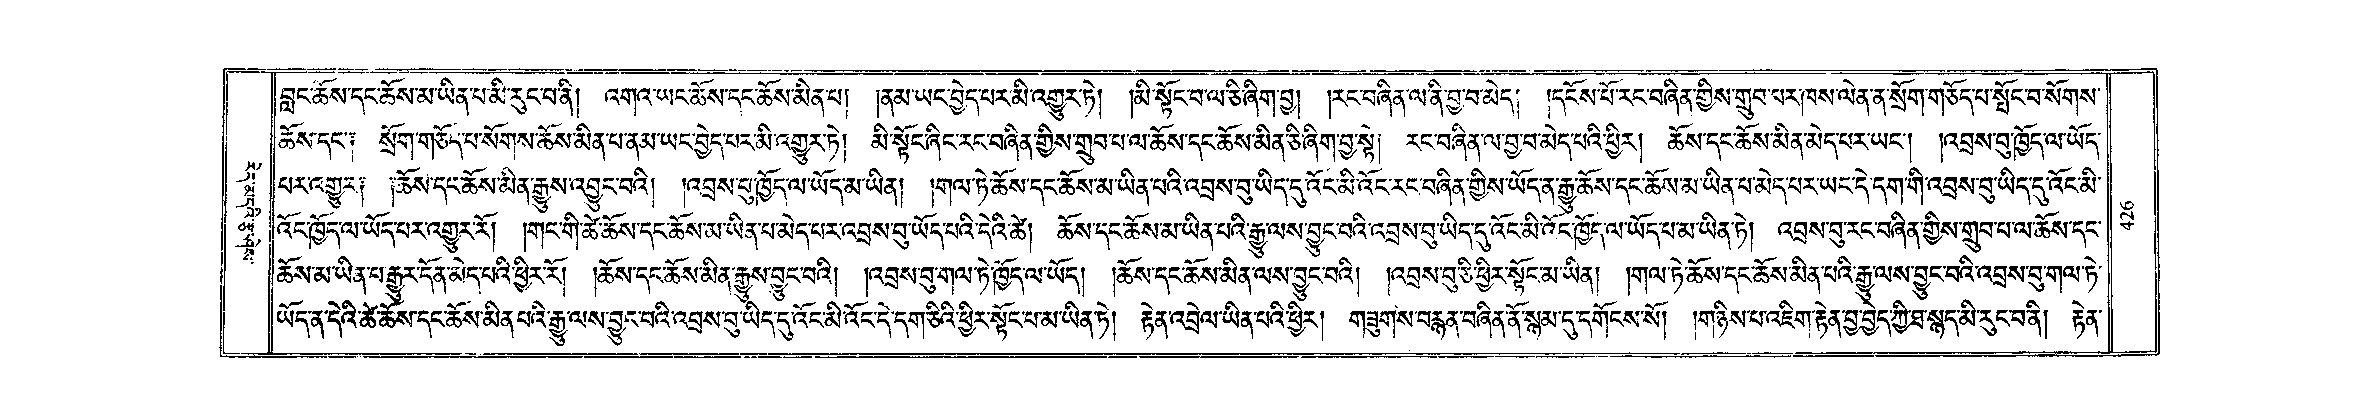བླང་ཆོས་དང་ཆོས་མ་ཡིན་པ་མི་རུང་བ་ནི། འགའ་ཡང་ཆོས་དང་ཆོས་མིན་པ། །ནམ་ཡང་བྱེད་པར་མི་འགྱུར་ཏེ། །མི་སྟོང་པ་ལ་ཅི་ཞིག་བྱ། །རང་བཞིན་ལ་ནི་བྱ་བ་མེད། །དངོས་པོ་རང་བཞིན་གྱིས་གྲུབ་པར་ཁས་ལེན་ན་སྲོག་གཅོད་པ་སྤོང་བ་སོགས་
ཆོས་དང༑ སྲོག་གཅོད་པ་སོགས་ཆོས་མིན་པ་ནམ་ཡང་བྱེད་པར་མི་འགྱུར་ཏེ། མི་སྟོང་ཞིང་རང་བཞིན་གྱིས་གྲུབ་པ་ལ་ཆོས་དང་ཆོས་མིན་ཅི་ཞིག་བྱ་སྟེ། རང་བཞིན་ལ་བྱ་བ་མེད་པའི་ཕྱིར། ཆོས་དང་ཆོས་མིན་མེད་པར་ཡང་། །འབྲས་བུ་ཁྱོད་ལ་ཡོད་
པར་འགྱུར༑ ༑ཆོས་དང་ཆོས་མིན་རྒྱུས་འབྱུང་བའི། །འབྲས་བུ་ཁྱོད་ལ་ཡོད་མ་ཡིན། །གལ་ཏེ་ཆོས་དང་ཆོས་མ་ཡིན་པའི་འབྲས་བུ་ཡིད་དུ་འོང་མི་འོང་རང་བཞིན་གྱིས་ཡོད་ན་རྒྱུ་ཆོས་དང་ཆོས་མ་ཡིན་པ་མེད་པར་ཡང་དེ་དག་གི་འབྲས་བུ་ཡིད་དུ་འོང་མི་
འོང་ཁྱོད་ལ་ཡོད་པར་འགྱུར་རོ། །གང་གི་ཚེ་ཆོས་དང་ཆོས་མ་ཡིན་པ་མེད་པར་འབྲས་བུ་ཡོད་པའི་དེའི་ཚེ། ཆོས་དང་ཆོས་མ་ཡིན་པའི་རྒྱུ་ལས་བྱུང་བའི་འབྲས་བུ་ཡིད་དུ་འོང་མི་འོང་ཁྱོད་ལ་ཡོད་པ་མ་ཡིན་ཏེ། འབྲས་བུ་རང་བཞིན་གྱིས་གྲུབ་པ་ལ་ཆོས་དང་
ཆོས་མ་ཡིན་པ་རྒྱུར་དོན་མེད་པའི་ཕྱིར་རོ། །ཆོས་དང་ཆོས་མིན་རྒྱུས་བྱུང་བའི། །འབྲས་བུ་གལ་ཏེ་ཁྱོད་ལ་ཡོད། །ཆོས་དང་ཆོས་མིན་ལས་བྱུང་བའི། །འབྲས་བུ་ཅི་ཕྱིར་སྟོང་མ་ཡིན། །གལ་ཏེ་ཆོས་དང་ཆོས་མིན་པའི་རྒྱུ་ལས་བྱུང་བའི་འབྲས་བུ་གལ་ཏེ་
ཡོད་ན་དེའི་ཚེ་ཆོས་དང་ཆོས་མིན་པའི་རྒྱུ་ལས་བྱུང་བའི་འབྲས་བུ་ཡིད་དུ་འོང་མི་འོང་དེ་དག་ཅིའི་ཕྱིར་སྟོང་པ་མ་ཡིན་ཏེ། རྟེན་འབྲེལ་ཡིན་པའི་ཕྱིར། གཟུགས་བརྙན་བཞིན་ནོ་སྙམ་དུ་དགོངས་སོ། །གཉིས་པ་འཇིག་རྟེན་བྱ་བྱེད་ཀྱི་ཐ་སྙད་མི་རུང་བ་ནི། རྟེན་